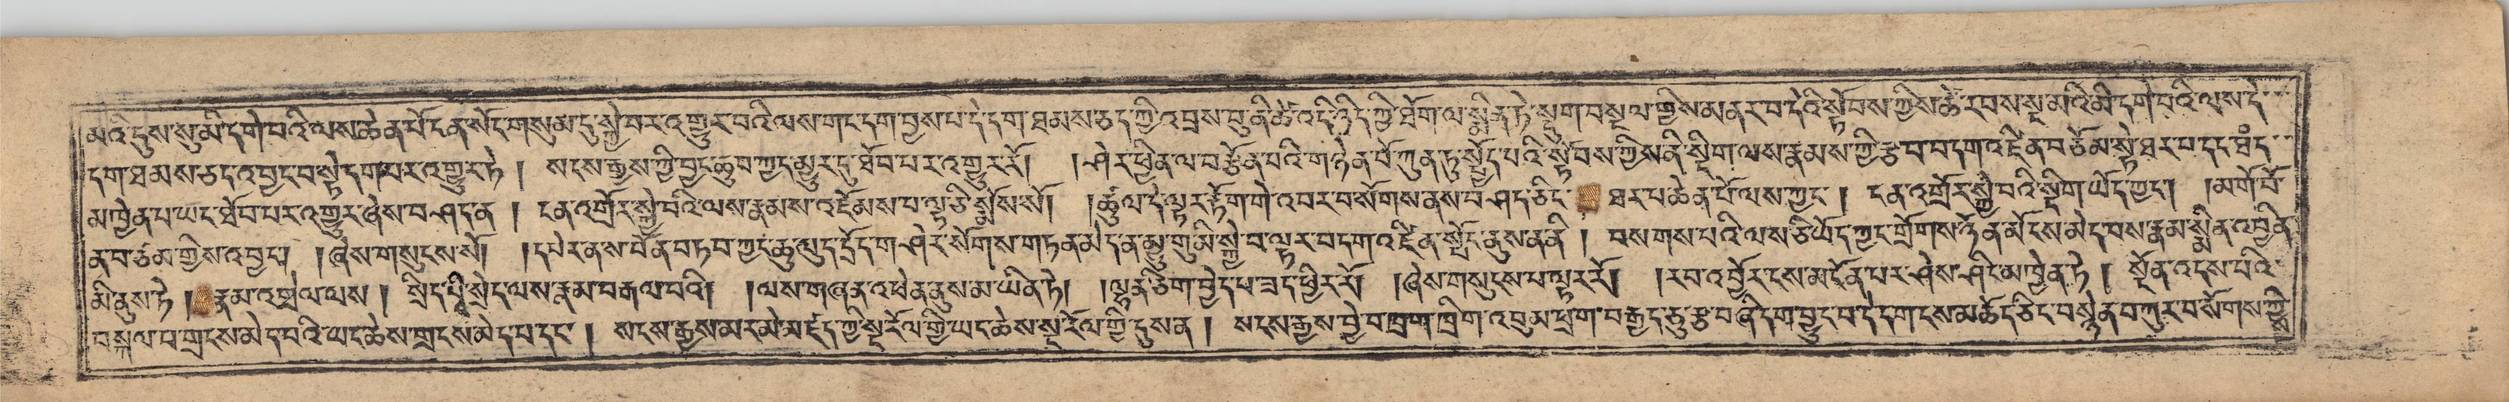མའི་དུས་སུ་མི་དགེ་བའི་ལས་ཆེན་པོ་ངན་སོང་གསུམ་དུ་སྐྱེ་བར་འགྱུར་བའི་ལས་གང་དག་བྱས་པ་དེ་དག་ཐམས་ཅད་ཀྱི་འབྲས་བུ་ནི་ཚེ་འདི་ཉིད་ཀྱི་ཐོག་ལ་སྨིན་ཏེ་སྡུག་བསྔལ་གྱིས་མནར་བ་དེའི་སྟོབས་ཀྱིས་ཚེ་རབས་སྔ་མའི་མི་དགེ་བའི་ལས་དེ་
དག་ཐམས་ཅད་འབྱང་བ་སྟེ་དག་པར་འགྱུར་ཏེ། སངས་རྒྱས་ཀྱི་བྱང་ཆུབ་ཀྱང་མྱུར་དུ་ཐོབ་པར་འགྱུར་རོ། །ཤེར་ཕྱིན་ལ་བརྩོན་པའི་གཉེན་པོ་ཀུན་ཏུ་སྤྱོད་པའི་སྟོབས་ཀྱིས་ནི་སྡིག་ལས་རྣམས་ཀྱི་རྩ་བ་བདག་འཛིན་བཅོམ་སྟེ་ཐར་པ་དང་ཐམས་ཅད་
མཁྱེན་པ་ཡང་ཐོབ་པར་འགྱུར་ཞེས་བཤད་ན། ངན་འགྲོར་སྐྱེ་བའི་ལས་རྣམས་འཇོམས་པ་ལྟ་ཅི་སྨོས་སོ། །ཚུལ་དེ་ལྟར་རྟོག་གེ་འབར་བ་སོགས་ནས་བཤད་ཅིང་། ཐར་པ་ཆེན་པོ་ལས་ཀྱང་། ངན་འགྲོར་སྐྱེ་བའི་སྡིག་ཡོད་ཀྱང་། །མགོ་བོ་
ན་བ་ཙམ་གྱིས་འབྱང་། །ཞེས་གསུངས་སོ། །དཔེར་ན་ས་བོན་བཏབ་ཀྱང་ཆུ་ལུད་དྲོད་གཤེར་སོགས་གཏན་མེད་ན་མྱུ་གུ་མི་སྐྱེ་བ་ལྟར་བདག་འཛིན་སྤོང་ནུས་ན་ནི། བསགས་པའི་ལས་ཅི་ཡོད་ཀྱང་གྲོགས་ཉོན་མོངས་མེད་པས་རྣམ་སྨིན་འབྱིན་
མི་ནུས་ཏེ། རྣམ་འགྲེལ་ལས། སྲིད་པའི་སྲེད་ལས་རྣམ་བརྒལ་བའི། །ལས་གཞན་འཕེན་ནུས་མ་ཡིན་ཏེ། །ལྷན་ཅིག་བྱེད་པ་ཟད་ཕྱིར་རོ། །ཞེས་གསུངས་པ་ལྟར་རོ། །རབ་འབྱོར་ངས་མངོན་པར་ཤེས་ཤིང་མཁྱེན་ཏེ། སྔོན་འདས་པའི་
བསྐལ་པ་གྲངས་མེད་པའི་ཡང་ཆེས་གྲངས་མེད་པ་དང་། སངས་རྒྱས་མར་མེ་མཛད་ཀྱི་སྔ་རོལ་གྱི་ཡང་ཆེས་སྔ་རོལ་གྱི་དུས་ན། སངས་རྒྱས་བྱེ་བ་ཁྲག་ཁྲིག་འབུམ་ཕྲག་བརྒྱད་ཅུ་རྩ་བཞི་དག་བྱུང་བ་དེ་དག་ངས་མཆོད་ཅིང་བསྙེན་བཀུར་བ་སོགས་ཀྱིས་